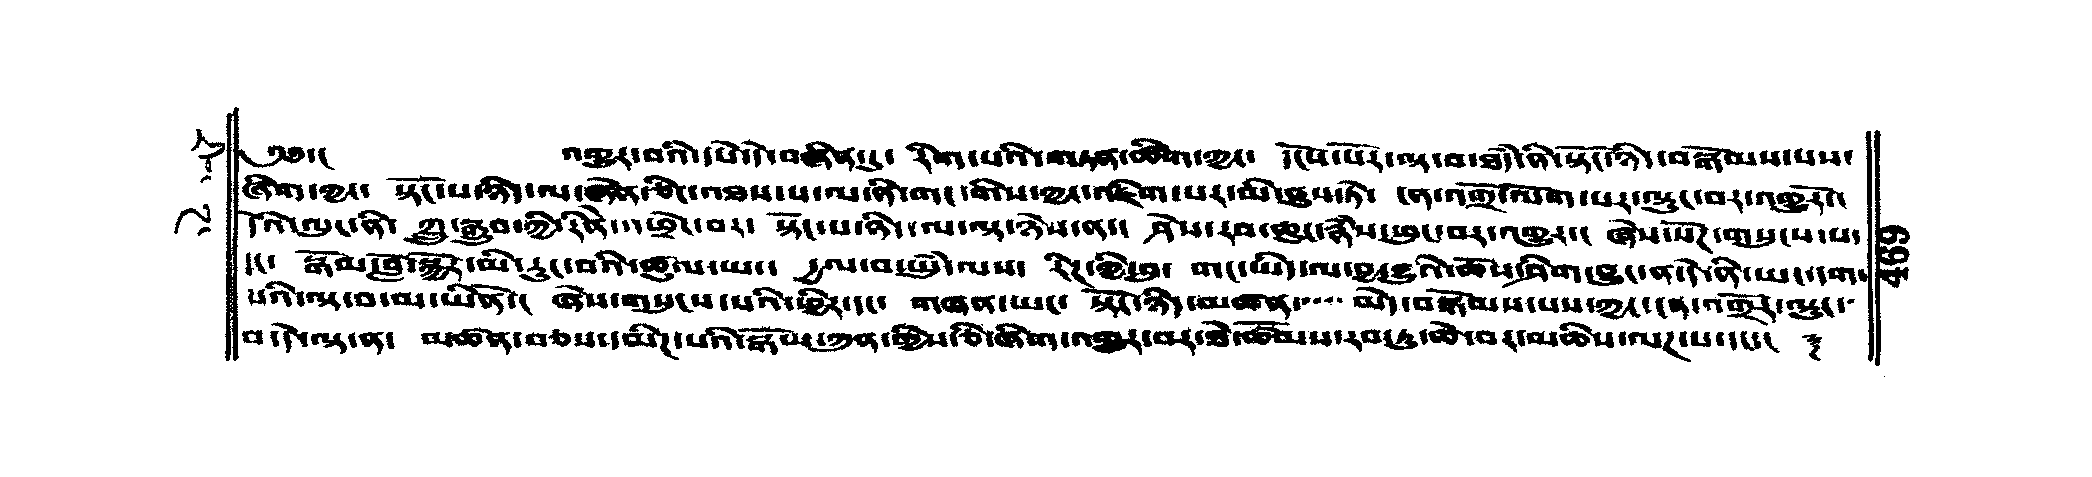འགྱུར་བའི་དཔེ་དེ་བཞིན་དུ། རིགས་པའི་གཏན་ཚིགས་ཀྱང་། དངོས་པོར་ལྟ་བ་ཐམས་ཅད་ནི་སྟོང་ཉིད་བསྒོམས་པས་
ཞིག་ཀྱང་། སྟོང་པ་ཉིད་ལ་ཞེན་ཅིང་འཐས་པ་ལ་ནི་གང་གིས་ཀྱང་འཇིག་པར་མི་ནུས་ཏེ། ངན་འགྲོ་ལོག་པར་ལྟུང་བར་འགྱུར་རོ། 
དེའི་ལུང་ནི། ཀླུ་སྒྲུབ་ཀྱི་རིན་ཆེན་འཕྲེང་བར། སྟོང་པ་ཉིད་ལ་ལྟ་ཉེས་ན། །ཤེས་རབ་ཆུང་རྣམས་ཕུང་བར་འགྱུར། ཞེས་སོགས་གསུངས་པ་
དང་། སྒོམ་བློ་སྐྱོར་མི་རུང་བའི་ཚུལ་ཡང་། རྒྱལ་བའི་ཡུམ་ལས། རིགས་ཀྱི་བུ། གང་ཡིད་ལ་བྱ་རྒྱུའི་ཆོས་ཤིག་བྱུང་ན་དེ་ནི་ཡང་དག་
པའི་ལྟ་བ་མ་ཡིན་ནོ། ཞེས་གསུངས་པའི་ཕྱིར་དང་། གཞན་ཡང་། སྟོང་ཉིད་མཚན་མེད་བསྒོམས་པས་ཀྱང་ངན་འགྲོར་ལྟུང་
བ་དེ་ལྟ་ན། མཚན་བཅས་དམིགས་པའི་སྒོམ་ཀུན་གྱིས་ཅི་ཞིག་འགྱུར་བར་ཐེ་ཚོམ་རབ་ཏུ་ཆེ་བར་མཆིས་ལགས་པ་དང་། ༈